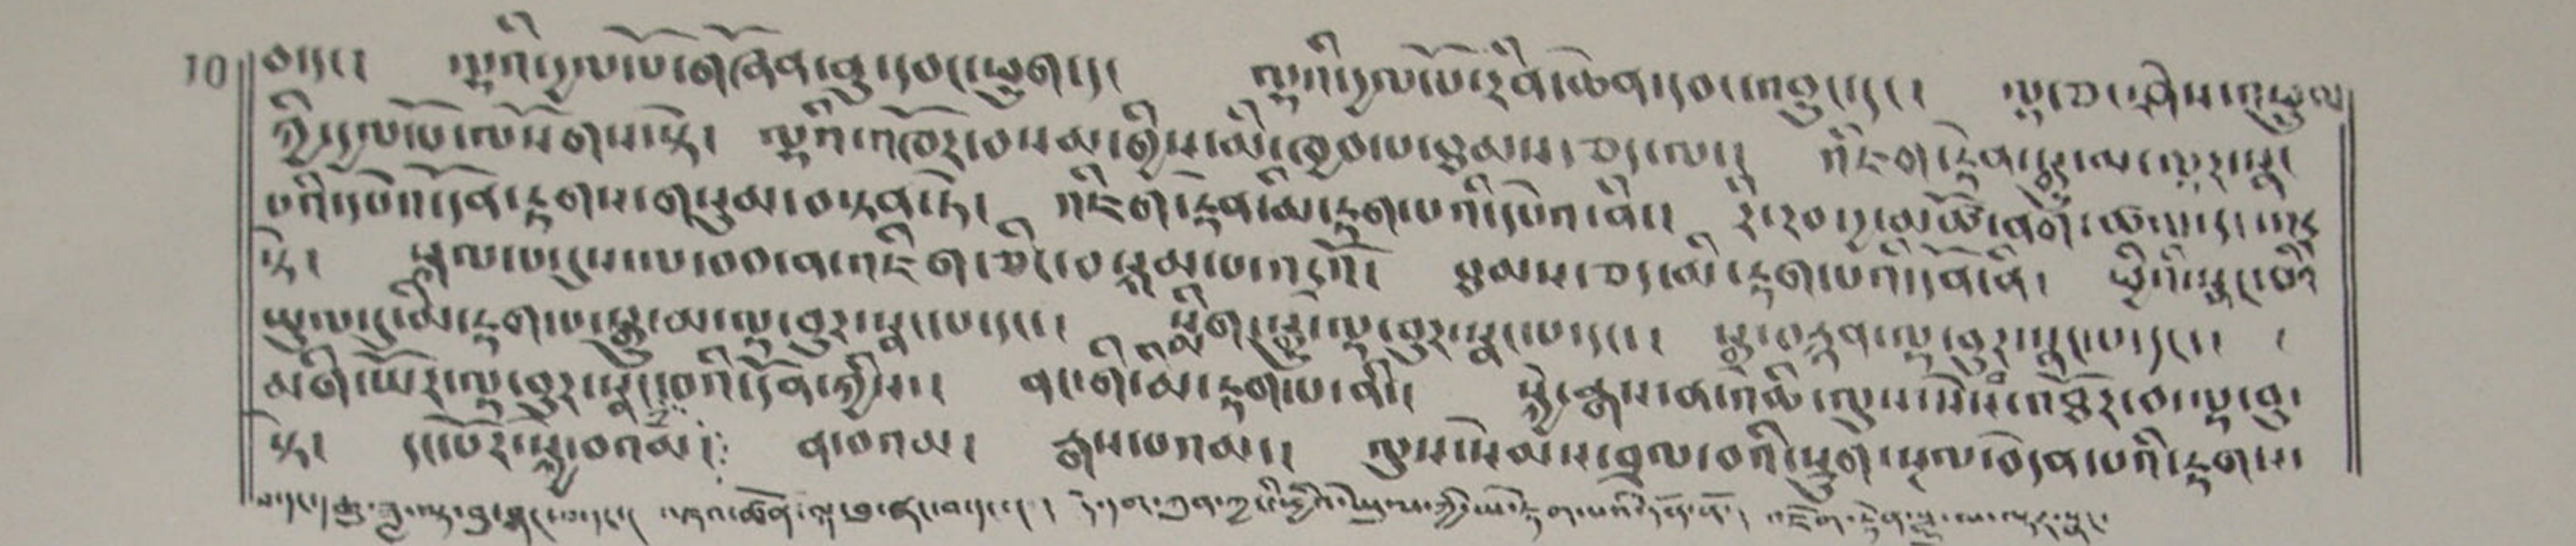བ་དང་། ལྷའི་རྒྱལ་པོ་གཞོན་ནུ་དབང་ཕྱུག་དང་། ལྷའི་རྒྱལ་བོ་རིན་ཆེན་དབང་འབྱུང་དང་། ལྷ་ཅང་ཤེས་འཕྲུལ་
གྱི་རྒྱལ་བོ་ལས་སོགས་ཏེ། ལྷའི་འཁོར་བསམ་གྱིས་མི་ཁྱབ་པ་ཐམས་ཅད་ལ། འཇིག་རྟེན་སྒྱུ་མ་ལྟར་སྣང་
བའི་དཔེའ་དོན་རྟགས་གསུམ་བསྟན་ཏེ། འཇིག་རྟེན་མི་རྟག་པའི་དཔེའ་ནི། རི་རབ་རྒྱ་མཚོའ་(རྩི་ཤིང་)ནགས་ཚལ་དང་འདྲ་
སྟེ །བསྐལ་བ་དུས་ལ་བབ་ན་འཇིག་ཅིང་བསྐམ་པ་འདྲའོ། །ཐམས་ཅད་མི་རྟག་པའི་དོན་ནི། ཕྱིའི་སྣང་བའི་
ཡུལ་དུ་མི་རྟག་པ་སྒྱུ་མ་ལྟ་བུར་སྣང་བ་དང་། སྨིག་སྒྱུ་ལྟ་བུར་སྣང་བ་དང་། སྒྲ་བརྙན་ལྟ་བུར་སྣང་བ་དང་། 
མིག་ཡོར་ལྟ་བུར་སྣང་བ་དང་། ཆུ་ཟླ་ལྟ་བུར་སྣང་བ་དང་། འཇའ་ཚོན་ལྟ་བུར་སྣང་བ་དང་། དེ་དག་ཀུན་ཀྱང་ཕྱིའི་ཡུལ་གྱི་མི་རྟག་པའི་དོན་ནོ། །འཇིག་རྟེན་སྒྱུ་མ་ལྟར་སྣང་བའི་དོན་གྱིས། ནང་གི་མི་རྟག་པ་ནི་སྐྱེ་རྒ་ན་འཆི་ལུས་སེམས་འཐོར་བ་ལྟ་བུ་
སྟེ། དང་པོ་སྐྱེ་བའམ། ན་བའམ། རྒ་བའམ། ལུས་སེམས་བྲལ་བའི་སྡུག་བསྔལ་བདེན་པའི་རྟགས་